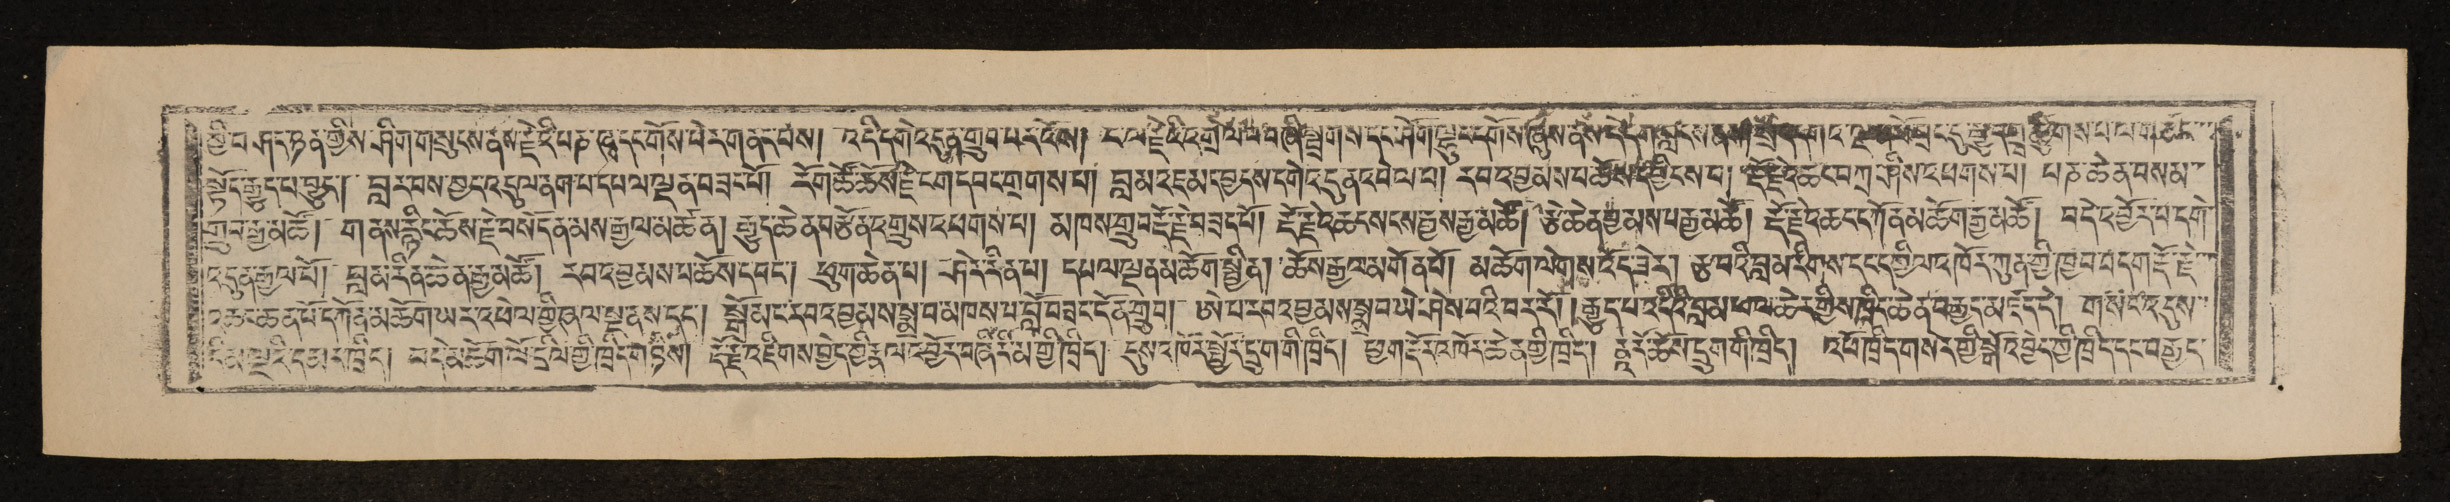ཀྱི་བཤད་ཉན་གྱིས་ཤིག་གསུངས་ནས་རྗེའི་པཎ་ཞྭ་དང་གོས་བེར་གནང་བས། འདི་དགེ་འདུན་གྲུབ་པར་འོས། ང་ལ་རྗེའི་འགྲེལ་པ་བཞི་སྦྲགས་དང་ཤོག་ལྷུང་དགོས་ཞུས་ནས་དེ་དག་བླངས་ནས། སྲད་དགའ་ལྡན་ཕོ་བྲང་དུ་རྒྱུད་གྲྭ་ཚུགས་པ་ལ་གཙང་
སྟོད་རྒྱུད་པ་བྱུང་། བླ་རབས་ཀྱང་འདུལ་ནག་པ་དཔལ་ལྡན་བཟང་པོ། རོག་ཚོ་ཆོས་རྗེ་ངག་དབང་གྲགས་པ། བླ་མ་འཇམ་དབྱངས་དགེ་འདུན་འཕེལ་བ། རབ་འབྱམས་པ་ཆོས་དབྱིངས་པ། རྡོ་རྗེ་འཆང་བཀྲ་ཤིས་འཕགས་པ། པཎ་ཆེན་བསམ་
གྲུབ་རྒྱ་མཚོ། གནས་རྙིང་ཆོས་རྗེ་བསོད་ནམས་རྒྱལ་མཚན། རྒྱུད་ཆེན་བརྩོན་འགྲུས་འཕགས་པ། མཁས་གྲུབ་རྡོ་རྗེ་བཟང་པོ། རྡོ་རྗེ་འཆང་སངས་རྒྱས་རྒྱ་མཚོ། རྩེ་ཆེན་བྱམས་པ་རྒྱ་མཚོ། རྡོ་རྗེ་འཆང་དཀོན་མཆོག་རྒྱ་མཚོ། བདེ་འབྱོར་བ་དགེ་
འདུན་རྒྱལ་པོ། བླ་མ་རིན་ཆེན་རྒྱ་མཚོ། རབ་འབྱམས་པ་ཆོས་དབང་། ཕུག་ཆེན་པ། ཤེར་རིན་པ། དཔལ་ལྡན་མཆོག་སྦྱིན། ཆོས་རྒྱལ་མགོན་པོ། མཆོག་ལེགས་འོད་ཟེར། རྩ་བའི་བླ་མ་རིགས་དང་དཀྱིལ་འཁོར་ཀུན་གྱི་ཁྱབ་བདག་རྡོ་རྗེ་
འཆང་ཆེན་པོ་དཀོན་མཆོག་ཡར་འཕེལ་གྱི་ཞལ་སྔ་ནས་དང་། སྒོ་མང་རབ་འབྱམས་སྨྲ་བ་མཁས་པ་བློ་བཟང་དོན་གྲུབ། ཨེ་པ་རབ་འབྱམས་སྨྲ་བ་ཡེ་ཤེས་པའི་བར་རོ། །རྒྱུད་པ་འདིའི་བླ་མ་ཕལ་ཆེར་གྱིས་ཁྲིད་ཆེན་བརྒྱད་མཛད་དེ། གསང་འདུས་
རིམ་ལྔའི་དམར་ཁྲིད། བདེ་མཆོག་ལོ་དྲིལ་གྱི་ཁྲིད་གཉིས། རྡོ་རྗེ་འཇིགས་བྱེད་ཀྱི་རྣལ་འབྱོར་བཞི་རིམ་གྱི་ཁྲིད། དུས་འཁོར་སྦྱོར་དྲུག་གི་ཁྲིད། ཕྱག་རྡོར་འཁོར་ཆེན་གྱི་ཁྲིད། ནཱ་རོ་ཆོས་དྲུག་གི་ཁྲིད། འཕོ་ཁྲིད་གསེར་གྱི་སྒོ་འབྱེད་ཀྱི་ཁྲིད་དང་བརྒྱད་